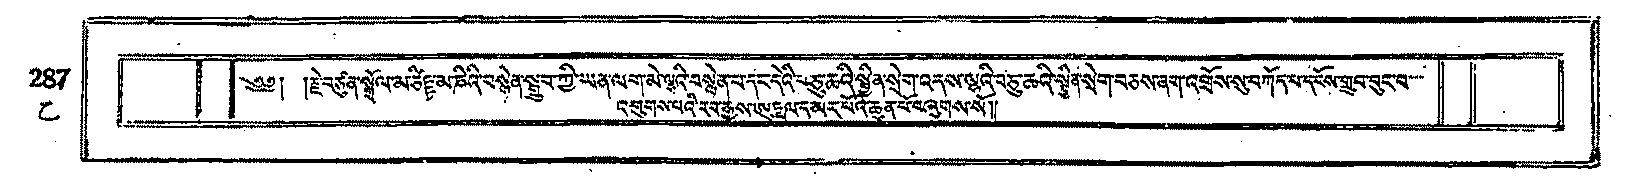༄༅། །རྗེ་བཙུན་སྒྲོལ་མ་ཙིཏྟ་མ་ཎིའི་བསྙེན་སྒྲུབ་ཀྱི་ཡན་ལག་མེ་ལྷའི་བསྙེན་པ་དང་དེའི་བཅུ་ཆའི་སྦྱིན་སྲེག་འདས་ལྷའི་བཅུ་ཆའི་སྦྱིན་སྲེག་བཅས་ནག་འགྲོས་སུ་བཀོད་པ་དངོས་གྲུབ་བུང་བ་་་
འགུགས་པའི་རབ་རྒྱས་ཨུཏྤལ་དམར་པོའི་ཆུན་པོ་བཞུགས་སོ།།